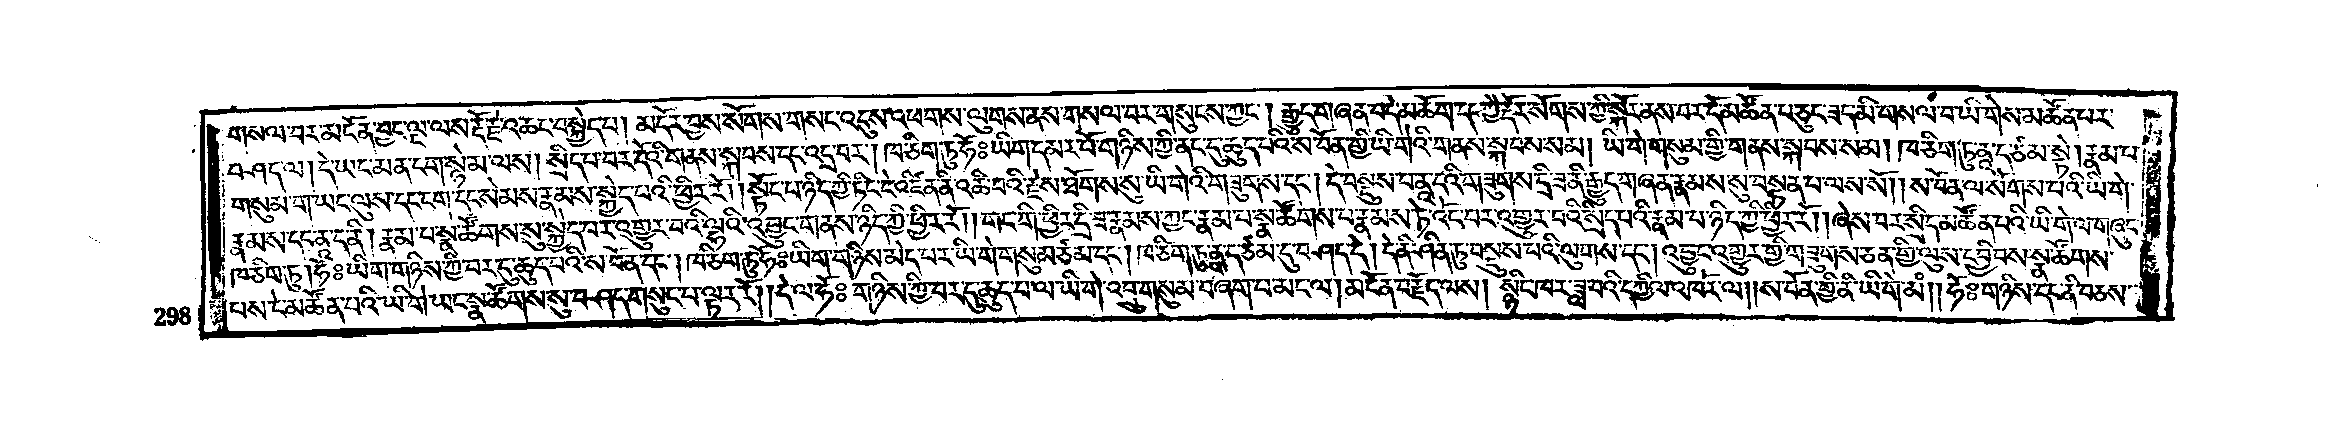གསལ་བར་མངོན་བྱང་ལྔ་ལས་རྡོ་རྗེ་འཆང་བསྐྱེད་པ། མདོར་བྱས་སོགས་གསང་འདུས་འཕགས་ལུགས་ནས་གསལ་བར་གསུངས་ཀྱང་། རྒྱུད་གཞན་བདེ་མཆོག་དང་ཀྱཻ་རྡོར་སོགས་ཀྱི་སྐོར་ནས་བར་དོ་མཚོན་པ་ཅུང་ཟད་མི་གསལ་བ་ཡི་གེས་མཚོན་པར་
བཤད་ལ། དེ་ཡང་མན་ངག་སྙེ་མ་ལས། སྲིད་པ་བར་དོའི་གནས་སྐབས་དང་འདྲ་བར། ཁ་ཅིག་ཏུ་ཧོཿ ཡིག་དམར་པོ་གཉིས་ཀྱི་ནང་དུ་ཆུད་པའི་ས་བོན་གྱི་ཡི་གེའི་གནས་སྐབས་སམ། ཡི་གེ་གསུམ་གྱི་གནས་སྐབས་སམ། ཁ་ཅིག་ཏུ་ནཱ་ད་ཙམ་སྟེ། རྣམ་པ་
གསུམ་ག་ཡང་ལུས་དང་ངག་དང་སེམས་རྣམས་སྐྱེད་པའི་ཕྱིར་རོ། །སྟོང་པ་ཉིད་ཀྱི་ཏིང་ངེ་འཛིན་ནི་འཆི་བའི་རྗེས་ཐོགས་སུ་ཡི་གེའི་གཟུགས་དང་། དེ་བསྡུས་པ་ནཱ་དའི་གཟུགས་དྲི་ཟ་ནི་རྒྱུད་གཞན་རྣམས་སུ་བསྟན་པ་ལས་སོ། །ས་བོན་ལ་སོགས་པའི་ཡི་གེ་
རྣམས་དང་ནཱ་ད་ནི། རྣམ་པ་སྣ་ཚོགས་སུ་སྐྱེད་པར་འགྱུར་བའི་ལྷའི་འབྱུང་གནས་ཉིད་ཀྱི་ཕྱིར་རོ། །གང་གི་ཕྱིར་དྲི་ཟ་རྣམས་ཀྱང་རྣམ་པ་སྣ་ཚོགས་པ་རྣམས་ཏེ་འོང་བར་འགྱུར་བའི་སྲིད་པའི་རྣམ་པ་ཉིད་ཀྱི་ཕྱིར་རོ། །ཞེས་བར་སྲིད་མཚོན་པའི་ཡི་གེ་ལ་གཞུང་
ཁ་ཅིག་ཏུ། ཧོཿ ཡིག་གཉིས་ཀྱི་བར་དུ་ཆུད་པའི་ས་བོན་དང་། ཁ་ཅིག་ཏུ་ཧོཿ ཡིག་གཉིས་མེད་པར་ཡི་གེ་གསུམ་ཙམ་དང་། ཁ་ཅིག་ཏུ་ནཱ་ད་ཙམ་དུ་བཤད་དེ། དེ་ནི་ཤིན་ཏུ་བསྡུས་པའི་ལུགས་དང་། འབྱུང་འགྱུར་གྱི་གཟུགས་ཅན་གྱི་ལུས་དབྱིབས་སྣ་ཚོགས་
བས་དེ་མཚོན་པའི་ཡི་གེ་ཡང་སྣ་ཚོགས་སུ་བཤད་གསུང་པ་ལྟར་རོ། །དེ་ལ་ཧོཿ གཉིས་ཀྱི་བར་དུ་ཆུད་པ་ལ་ཡི་གེ་འབྲུ་གསུམ་བཞག་པ་མང་ལ། མངོན་བརྗོད་ལས། སྙིང་ཁར་ཟླ་བའི་དཀྱིལ་འཁོར་ལ། །ས་བོན་གྱི་ནི་ཡི་གེ་མཾ། །ཧོཿ གཉིས་དང་ནི་བཅས་